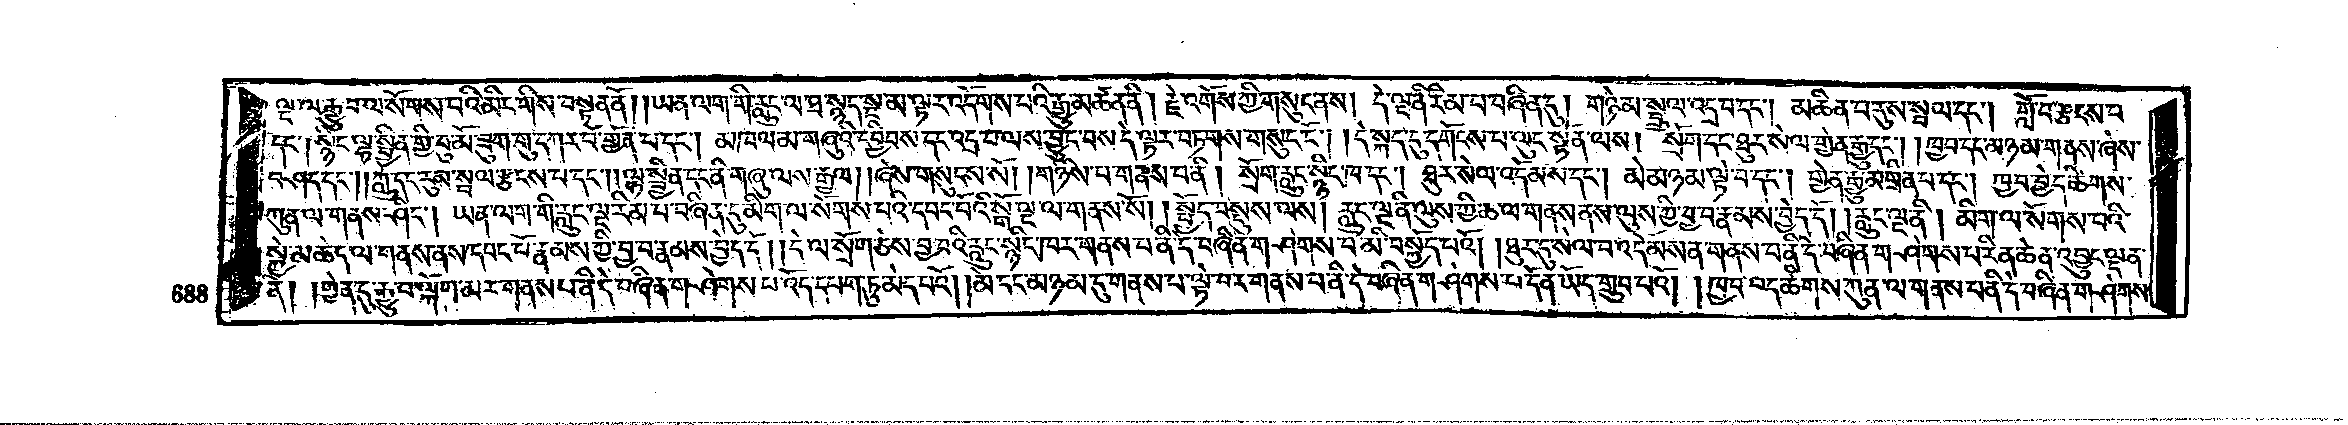ལྔ་ལ་རྒྱུ་བ་ལ་སོགས་པའི་མིང་གིས་བསྟན་ནོ། །ཡན་ལག་གི་རླུང་ལ་ཐ་སྙད་སྔ་མ་ལྟར་འདོགས་པའི་རྒྱུ་མཚན་ནི། རྗེ་འགོས་ཀྱི་གསུང་ནས། དེ་ལྔ་ནི་རིམ་པ་བཞིན་དུ། གཉེ་མ་སྦྲུལ་འདྲ་བ་དང་། མཆིན་པ་རུས་སྦལ་དང་། གློ་བ་རྩངས་པ་
དང་། སྙིང་ལྷ་སྦྱིན་གྱི་བུ་མོ་ཟུག་གུ་དཀར་པོ་གྱོན་པ་དང་། མཁལ་མ་གཞུའི་དབྱིབས་དང་འདྲ་བ་ལས་བྱུང་བས་དེ་ལྟར་བཏགས་གསུང་ངོ། །དེ་སྐད་དུ་དགོངས་པ་ལུང་སྟོན་ལས། སྲོག་དང་ཐུར་སེལ་གྱེན་རྒྱུ་དང་། །ཁྱབ་དང་མཉམ་གནས་ཞེས་
བཤད་དང་། །ཀླུ་དང་རུས་སྦལ་རྩངས་པ་དང་། །ལྷ་སྦྱིན་དང་ནི་གཞུ་ལས་རྒྱལ། །ཞེས་གསུངས་སོ། །གཉིས་པ་གནས་པ་ནི། སྲོག་རླུང་སྙིང་ཁ་དང་། ཐུང་སེལ་འདོམས་དང་། མེ་མཉམ་ལྟེ་བ་དང་། གྱེན་རྒྱུ་མགྲིན་པ་དང་། ཁྱབ་བྱེད་ཚིགས་
ཀུན་ལ་གནས་ཤིང་། ཡན་ལག་གི་རླུང་ལྔ་རིམ་པ་བཞིན་དུ་མིག་ལ་སོགས་པའི་དབང་པོའི་སྒོ་ལྔ་ལ་གནས་སོ། །སྤྱོད་བསྡུས་ལས། རླུང་ལྔ་ནི་ལུས་ཀྱི་ཆ་ལ་གནས་ནས་ལུས་ཀྱི་བྱ་བ་རྣམས་བྱེད་དོ། །རླུང་ལྔ་ནི། མིག་ལ་སོགས་པའི་
སྐྱེ་མཆེད་ལ་གནས་ནས་དབང་པོ་རྣམས་ཀྱི་བྱ་བ་རྣམས་བྱེད་དོ། །དེ་ལ་སྲོག་ཅེས་བྱ་བའི་རླུང་སྙིང་ཁར་གནས་པ་ནི་དེ་བཞིན་གཤེགས་པ་མི་བསྐྱོད་པའོ། །ཐུར་དུ་སེལ་བ་འདོམས་ན་གནས་པ་ནི་དེ་བཞིན་གཤེགས་པ་རིན་ཆེན་འབྱུང་ལྡན་
ནོ། །གྱེན་དུ་རྒྱུ་བ་ལྐོག་མར་གནས་པ་ནི་དེ་བཞིན་གཤེགས་པ་འོད་དཔག་ཏུ་མེད་པའོ། །མེ་དང་མཉམ་དུ་གནས་པ་ལྟེ་བར་གནས་པ་ནི་དེ་བཞིན་གཤེགས་པ་དོན་ཡོད་གྲུབ་པའོ། །ཁྱབ་བད་ཚིགས་ཀུན་ལ་གནས་པ་ནི་དེ་བཞིན་གཤེགས་